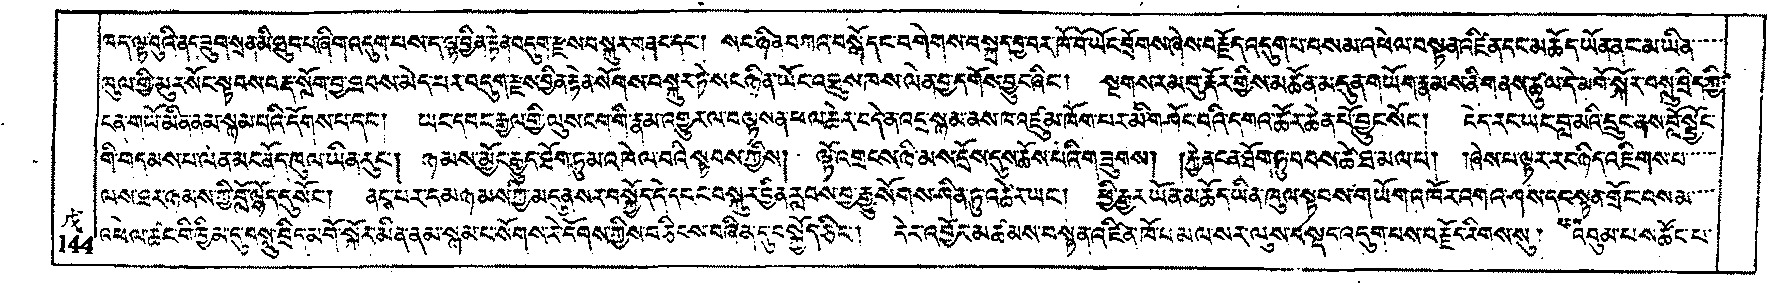ཁད་ལྟ་བུའི་ནད་ཟུག་སྲན་མི་ཐུབ་པ་ཞིག་འདུག་པས་ད་ལྟ་བྱིན་རྟེན་བདུག་རྫས་བསྐུར་གནང་དང་། སང་ཉིན་བཀའ་བསྒོ་དང་བགེགས་བསྐྲད་བྱ་བར་ཁོ་བོ་ཡོང་གྲོགས་ཞེས་བརྗོད་འདུག་པ་བསམ་འཕེལ་བསྟན་འཛིན་དང་མཆོད་ཡོན་ནང་མ་ཡིན་
ཁུལ་གྱི་མུར་སོང་སྟབས་བརྡ་སློག་བྱ་ཐབས་མེད་པར་བདུག་རྫས་བྱིན་རྟེན་སོགས་བསྐུར་ཏེ་སང་ཉིན་ཡོང་འཐུས་ཁས་ལེན་བྱ་དགོས་བྱུང་ཞིང་། སྔགས་རམ་བུ་རྡོར་གྱིས་མཚོན་མདུན་གཡོག་རྣམས་ནི་གནས་ཚུལ་དེ་མགོ་སྐོར་བསླུ་བྲིད་ཀྱི་
ངན་གཡོ་མིན་ནམ་སྙམ་པའི་དོགས་པ་དང་། ཡང་དབང་རྒྱལ་གྱི་ལུས་ངག་གི་རྣམ་འགྱུར་ལ་བལྟས་ན་ཕལ་ཆེར་བདེན་འདྲ་སྙམ་ནས་ཁ་འཛུམ་ཁོག་པར་མི་གཤོང་བའི་དགའ་ཚོར་ཆེན་པོ་བྱུང་སོང་། ངེད་རང་ཡང་བླ་མའི་དྲུང་ནས་བློ་སྦྱོང་
གི་གདམས་པ་ལན་མང་ནོད་ཁུལ་ཡིན་རུང་། ཉམས་མྱོང་རྒྱུད་ཐོག་ཏུ་མ་འཁེལ་བའི་སྟབས་ཀྱིས། ལྟོ་འགྲངས་ཉི་མས་དྲོས་དུས་ཆོས་པའི་གཟུགས། །རྐྱེན་ངན་ཐོག་ཏུ་བབས་ཚེ་ཐ་མལ་པ། །ཞེས་པ་ལྟར་རང་ཉིད་འཇིགས་པ་
ལས་ཐར་ཉམས་ཀྱི་བློ་ལྷོད་དུ་སོང་། ནངས་པར་དམ་ཉམས་ཀྱི་མདུན་སར་བསྐྱོད་དེ་དབང་བསྐུར་བྱིན་རླབས་བྱ་རྒྱུ་སོགས་ཤིན་ཏུ་འཚེར་ཡང་། ཕྱི་རྒྱར་ཡོན་མཆོད་ཡིན་ཁུལ་སྟབས་གཡོག་འཁོར་འགའ་ཤས་དང་བཅས་སྟན་གྲོང་བསམ་
འཕེལ་ཚང་གི་ཁྱིམ་དུ་བསླུ་བྲིད་མགོ་སྐོར་མིན་ནམ་སྙམ་པ་སོགས་རེ་དོགས་ཀྱིས་བཅིངས་བཞིན་དུ་བསྐྱོད་ཅིང་། དེར་འབྱོར་མཚམས་བསྟན་འཛིན་ཁོ་པ་མལ་སར་ལུས་བསྡད་འདུག་པས་བརྗོད་རིགས་སུ། འབུམ་པས་ཚོང་པ་